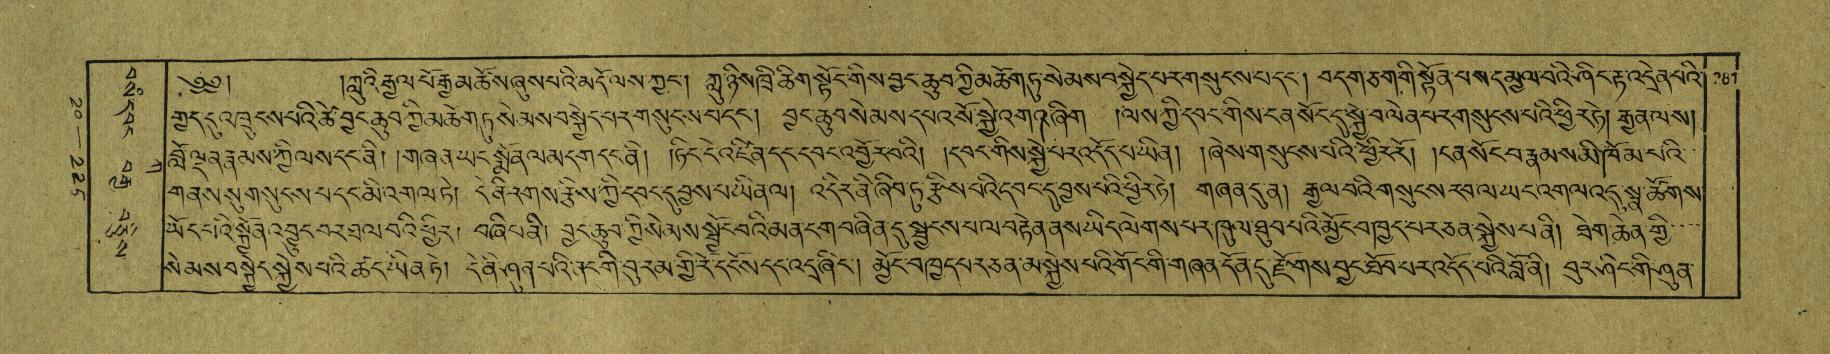༄༅། །ཀླུའི་རྒྱལ་པོ་རྒྱ་མཚོས་ཞུས་པའི་མདོ་ལས་ཀྱང་། ཀླུ་ཉིས་ཁྲི་ཆིག་སྟོང་གིས་བྱང་ཆུབ་ཀྱི་མཆོག་ཏུ་སེམས་བསྐྱེད་པར་གསུངས་པ་དང་། བདག་ཅག་གི་སྟོན་པས་དམྱལ་བའི་ཤིང་རྟ་འདྲེན་པའི་
གྱད་དུ་འཁྲུངས་པའི་ཚེ་བྱང་ཆུབ་ཀྱི་མཆོག་ཏུ་སེམས་བསྐྱེད་པར་གསུངས་པ་དང་། བྱང་ཆུབ་སེམས་དཔའ་སོ་སྐྱེ་འགའ་ཞིག །ལས་ཀྱི་དབང་གིས་ངན་སོང་དུ་སྐྱེ་བ་ལེན་པར་གསུངས་པའི་ཕྱིར་ཏེ། རྒྱན་ལས།
བློ་ལྡན་རྣམས་ཀྱི་ལས་དང་ནི། །གཞན་ཡང་སྨོན་ལམ་དག་དང་ནི། །ཏིང་ངེ་འཛིན་དང་དབང་འབྱོར་བའི། །དབང་གིས་སྐྱེ་པར་འདོད་པ་ཡིན། །ཞེས་གསུངས་པའི་ཕྱིར་རོ། །ངན་སོང་བ་རྣམས་མི་ཁོམ་པའི་
གནས་སུ་གསུངས་པ་དང་མི་འགལ་ཏེ། དེ་ནི་རགས་རྩིས་ཀྱི་དབང་དུ་བྱས་པ་ཡིན་ལ། འདིར་ནི་ཞིབ་ཏུ་རྩིས་པའི་དབང་དུ་བྱས་པའི་ཕྱིར་ཏེ། གཞན་དུ་ན། རྒྱལ་བའི་གསུངས་རབ་ལ་ཡང་འགལ་འདུ་སྣ་ཚོགས་
ཡོད་པའི་སྐྱོན་འབྱུང་བར་ཐལ་བའི་ཕྱིར། བཞི་པ་ནི། བྱང་ཆུབ་ཀྱི་སེམས་སྦྱོང་བའི་མན་ངག་བཞིན་དུ་སྦྱངས་པ་ལ་བརྟེན་ནས་ཡིད་ལེགས་པར་ཁུལ་ཐུབ་པའི་མྱོང་བ་ཁྱད་པར་ཅན་སྐྱེས་པ་ནི། ཐེག་ཆེན་གྱི་
སེམས་བསྐྱེད་སྐྱེས་པའི་ཚད་ཡིན་ཏེ། དེ་ནི་ཤུན་པའི་ནང་གི་བུ་རམ་གྱི་རོ་དངོས་དང་འདྲ་ཞིང་། མྱོང་བ་ཁྱད་པར་ཅན་མ་སྐྱེས་པའི་གོང་གི་གཞན་དོན་དུ་རྫོགས་བྱང་ཐོབ་པར་འདོད་པའི་བློ་ནི། བུར་ཤིང་གི་ཤུན་